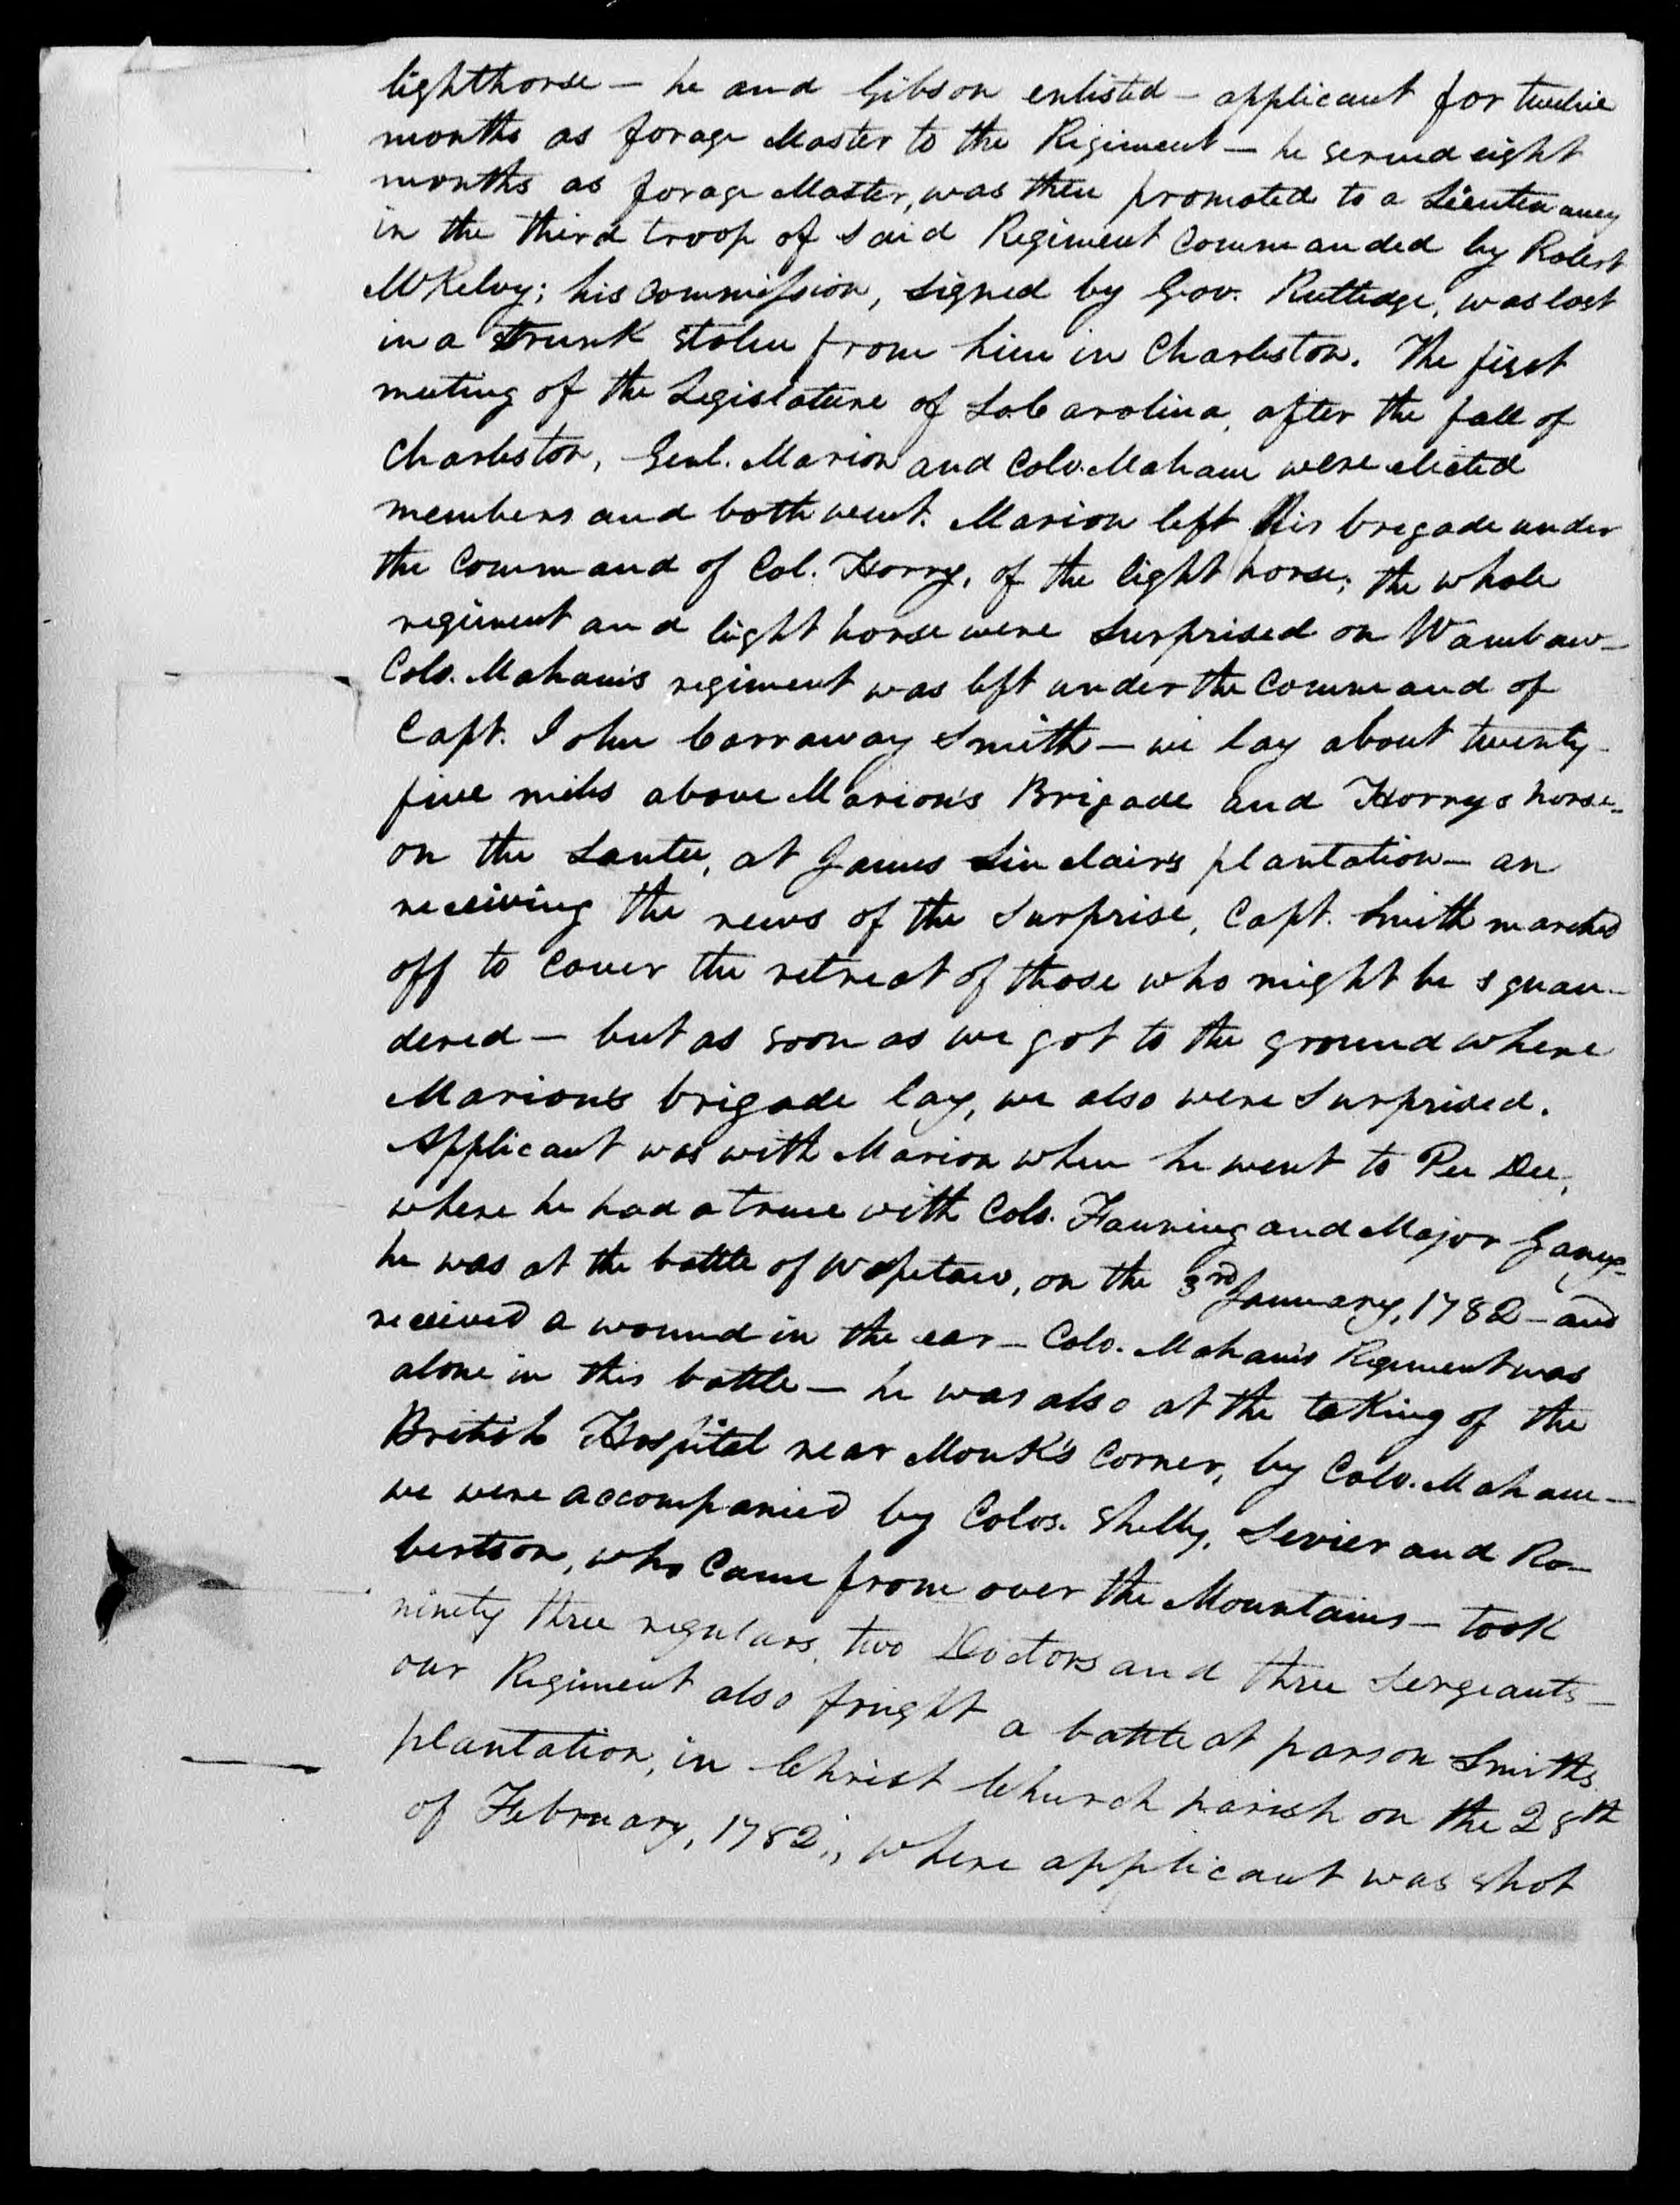lighthorse - he and Gibson enlisted - applicant for twelve months as forage Master to the Regiment-- he served eight months as forage Master, was then promoted to a Lieutenancy
in the third troop of said Regiment commanded by Robert McKelvy [Captain Robert McElvy]; his commission, signed by Gov. Rutledge, was last in a trunk stolen from him in Charleston. The first meeting of the Legislature of So Carolina, after the fall of Charleston, Genl Marion and Col. Maham were elected members and both went. Marion left his brigade under the command of Col. [Peter] Horry, of the light horse, the whole regiment and light horse were surprised on Wambaw [Bridge] - Colo. Maham's regiment was left under the command of Capt. John Caraway Smith - we lay about twenty five miles above Marion's Brigade and Horrys horse on the Santee at James Sinclair's plantation - an receiving the news of the Surprise, Capt. Smith marched off to cover the retreat of those who might be squandered - but as soon as we got to the ground where Marion's Brigade lay, we also were surprised. Applicant was with Marion when he went to Pee Dee
where he had a truce with Col. [David] Fanning and Major Janys [Micajah
Ganey]. he was at the battle of Wopetaw [Wappetaw], on the 3rd January 1782 - and received a wound in the ear - Colo. Maham's Regiment was alone in this battle-- he was also at the taking of the British Hospital near Monk's corner, by Col Maham-
we were accompanied by Colos. [Isaac] Shelby, [John] Sevier and Robertson, who came from over the Mountains-- took ninety three regulars, two doctors and three Sergeants - our Regiment also fought a battle at Parson Smiths plantation, in Christ Church parish on the 28th
of February, 1782, where applicant was shot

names: Marion, Smith, Marion, John Carraway, Fauring, Marion, Garys, Smith, Gibson, Shelby, Harry, Harry, Maham, Robrt Mc Kelvy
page: 9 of 72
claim: widow's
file: W. 897, Thomas Broughton, S.C.